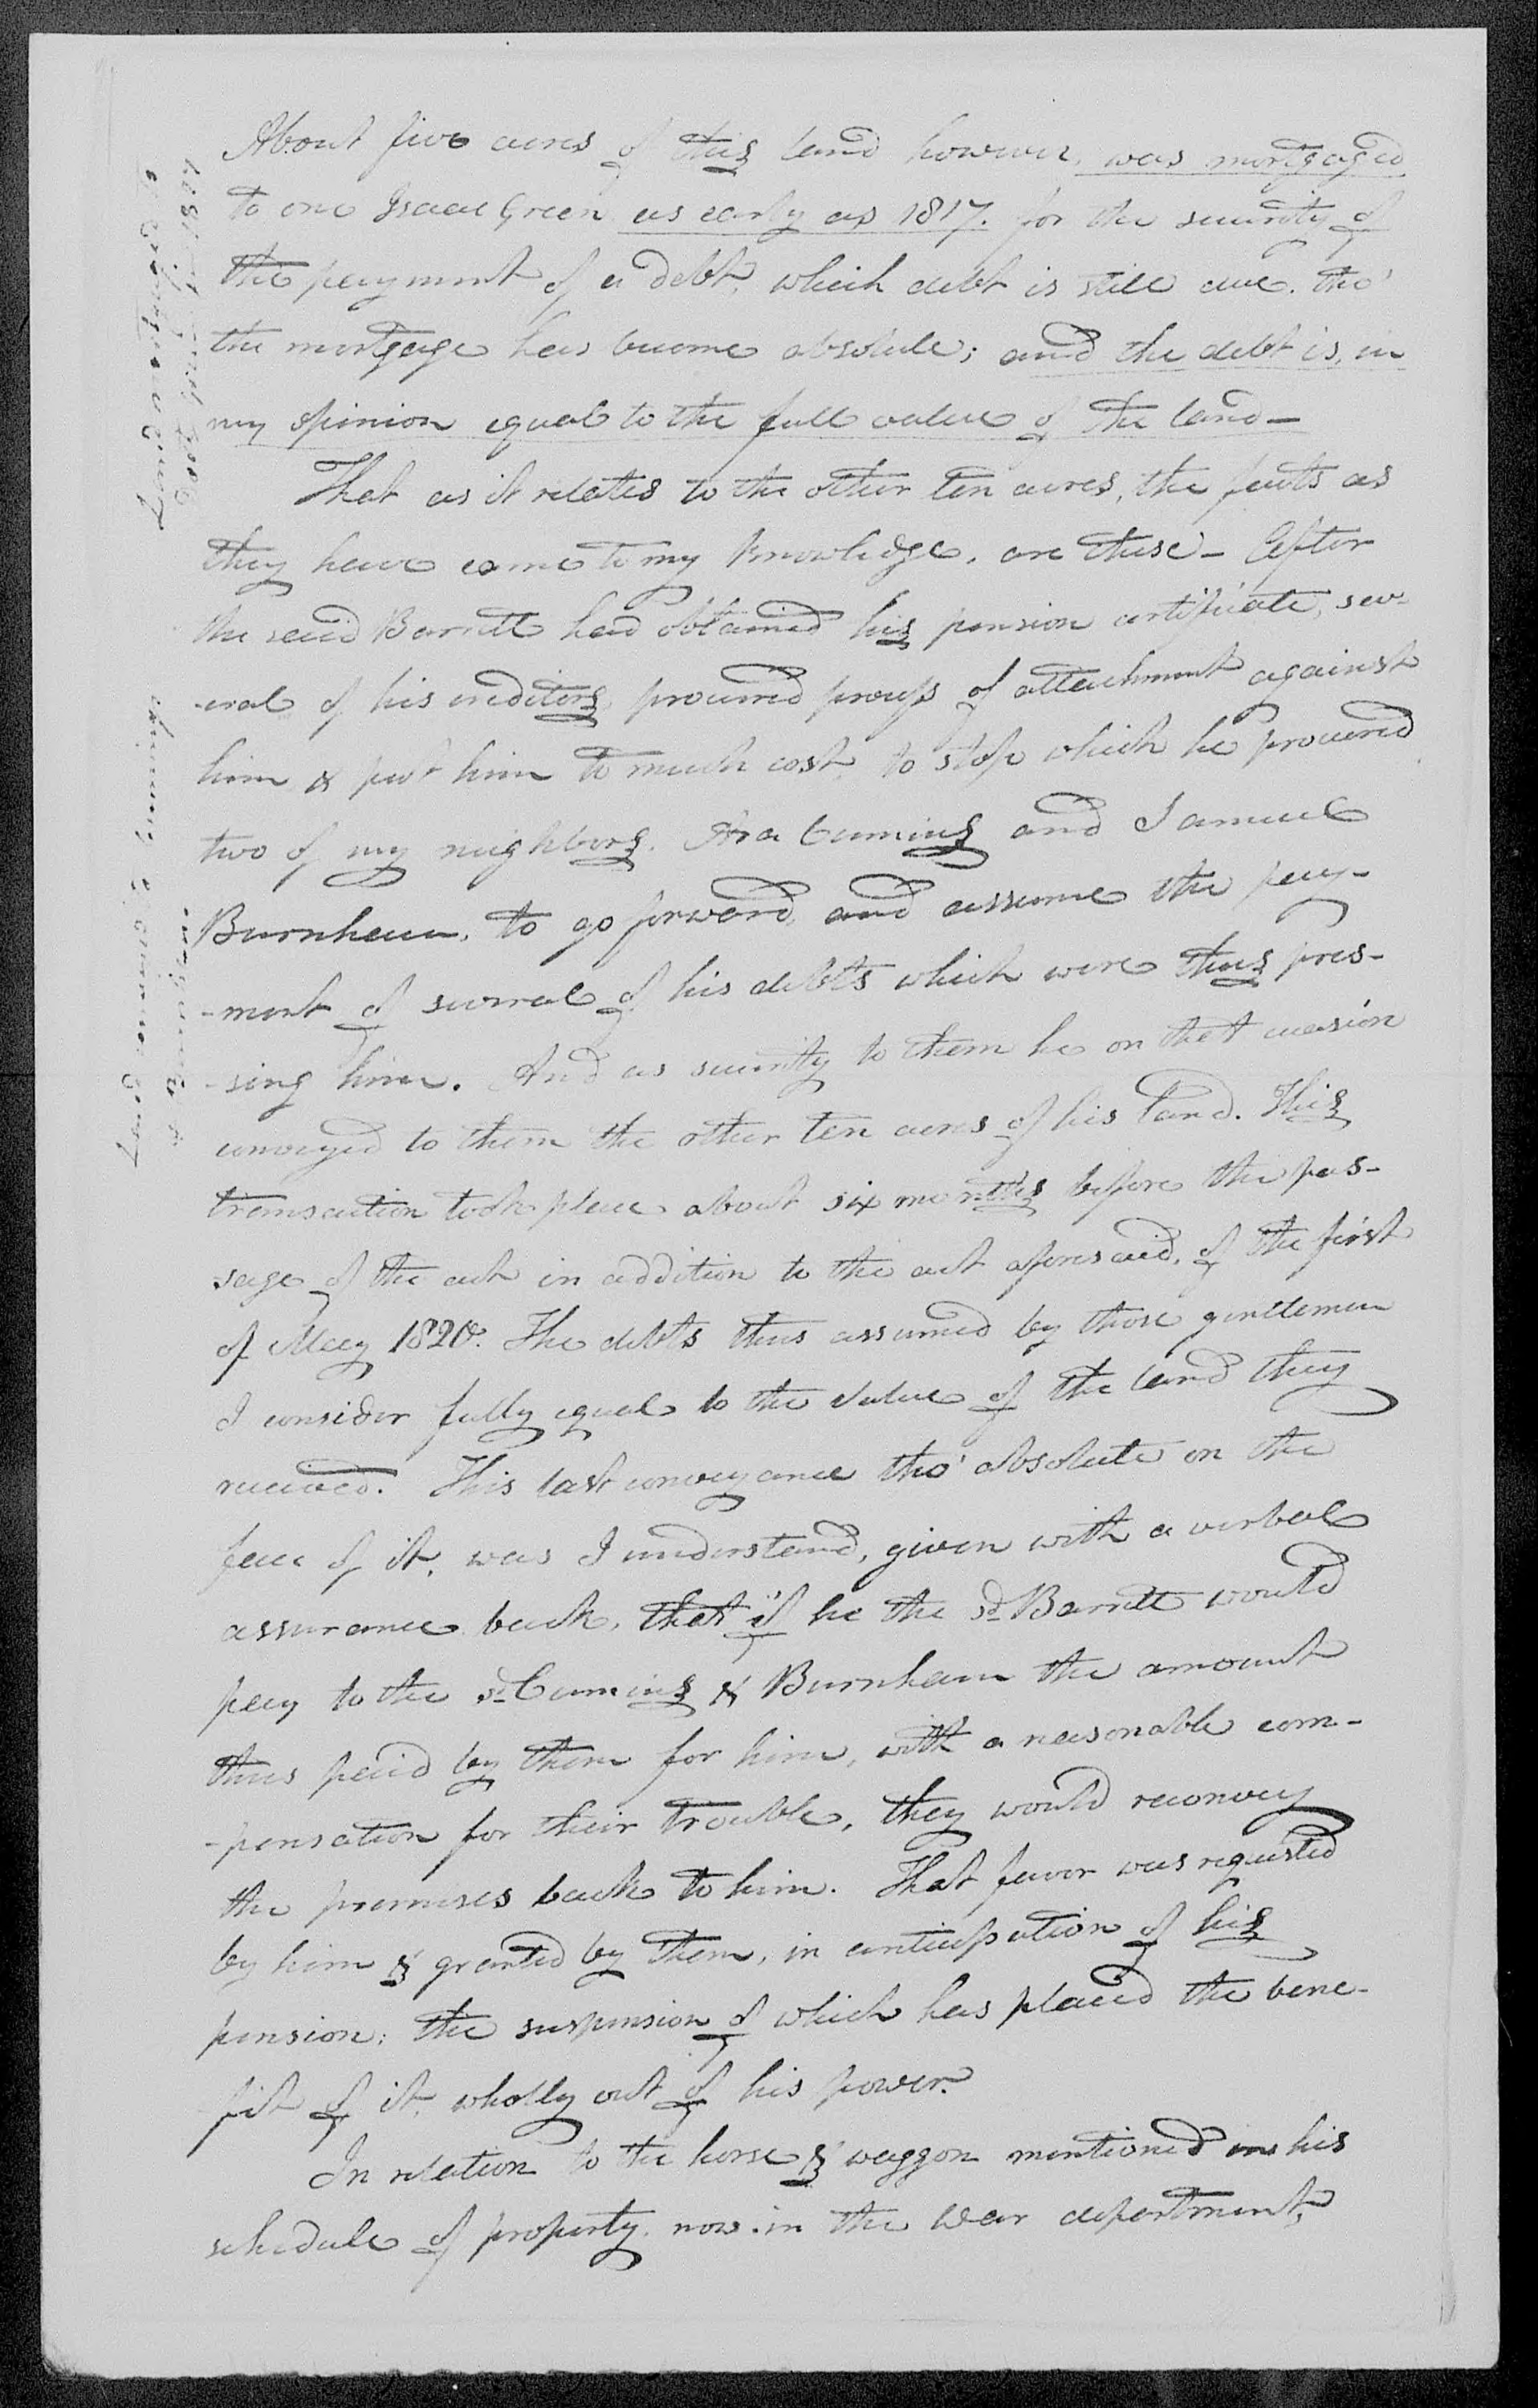About five acres of this land however was mortgaged to one Isaac Green as early as 1817 for the security of the payment of a debt, which debt is still due, tho the mortgaged has become absolute; and the debt is in my opinion equal to the full value of the land. 
That as it related to the other ten acres, the facts as they have come to my knowledge are these- After the said Barret had obtained his pension certificate, several of his creditors procured proofs of attachments against him and put him to much cost to stop which he procured two of my neighbors, Asa Cummings and Samuel Burnham to go forward and assume the payment of several of his debts which were thus pressing him. And as security to them he on that occasion conveyed to them the other ten acres of his land. This transaction took place about six months before the passage of the act in addition to the act aforesaid of the first of May 1820. The debts thus assumed by those gentlemen I consider fully equal to the value to of the land they received. This last conveyance tho absolute on the face of it, was I understand, given with a verbal assurance back that if he the sd Barrett would pay to the sd Cummings and Burnham the amount thus paid by them for him, with a reasonable compensation for their trouble, they would reconvey the promises back to him. That favor was requested by him and granted by them, in continuation of his pension, the suspension of which has placed the benefit of it wholly out of his power. 
In relation to the horse and waggon mentioned on his schedule of property nos in the war department 

Land mortgage of Cummings and Burnham

Land mortgage to Post granted in 1817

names: Cumins, Barrett, Ara Cumins, Barrett, Burnham, Samuel Burnham, Cumings, Burnham, Isaac Green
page: 40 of 83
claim: widow's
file: W. 10,384, Oliver Barrett, Continental (Vt.) N.Y.